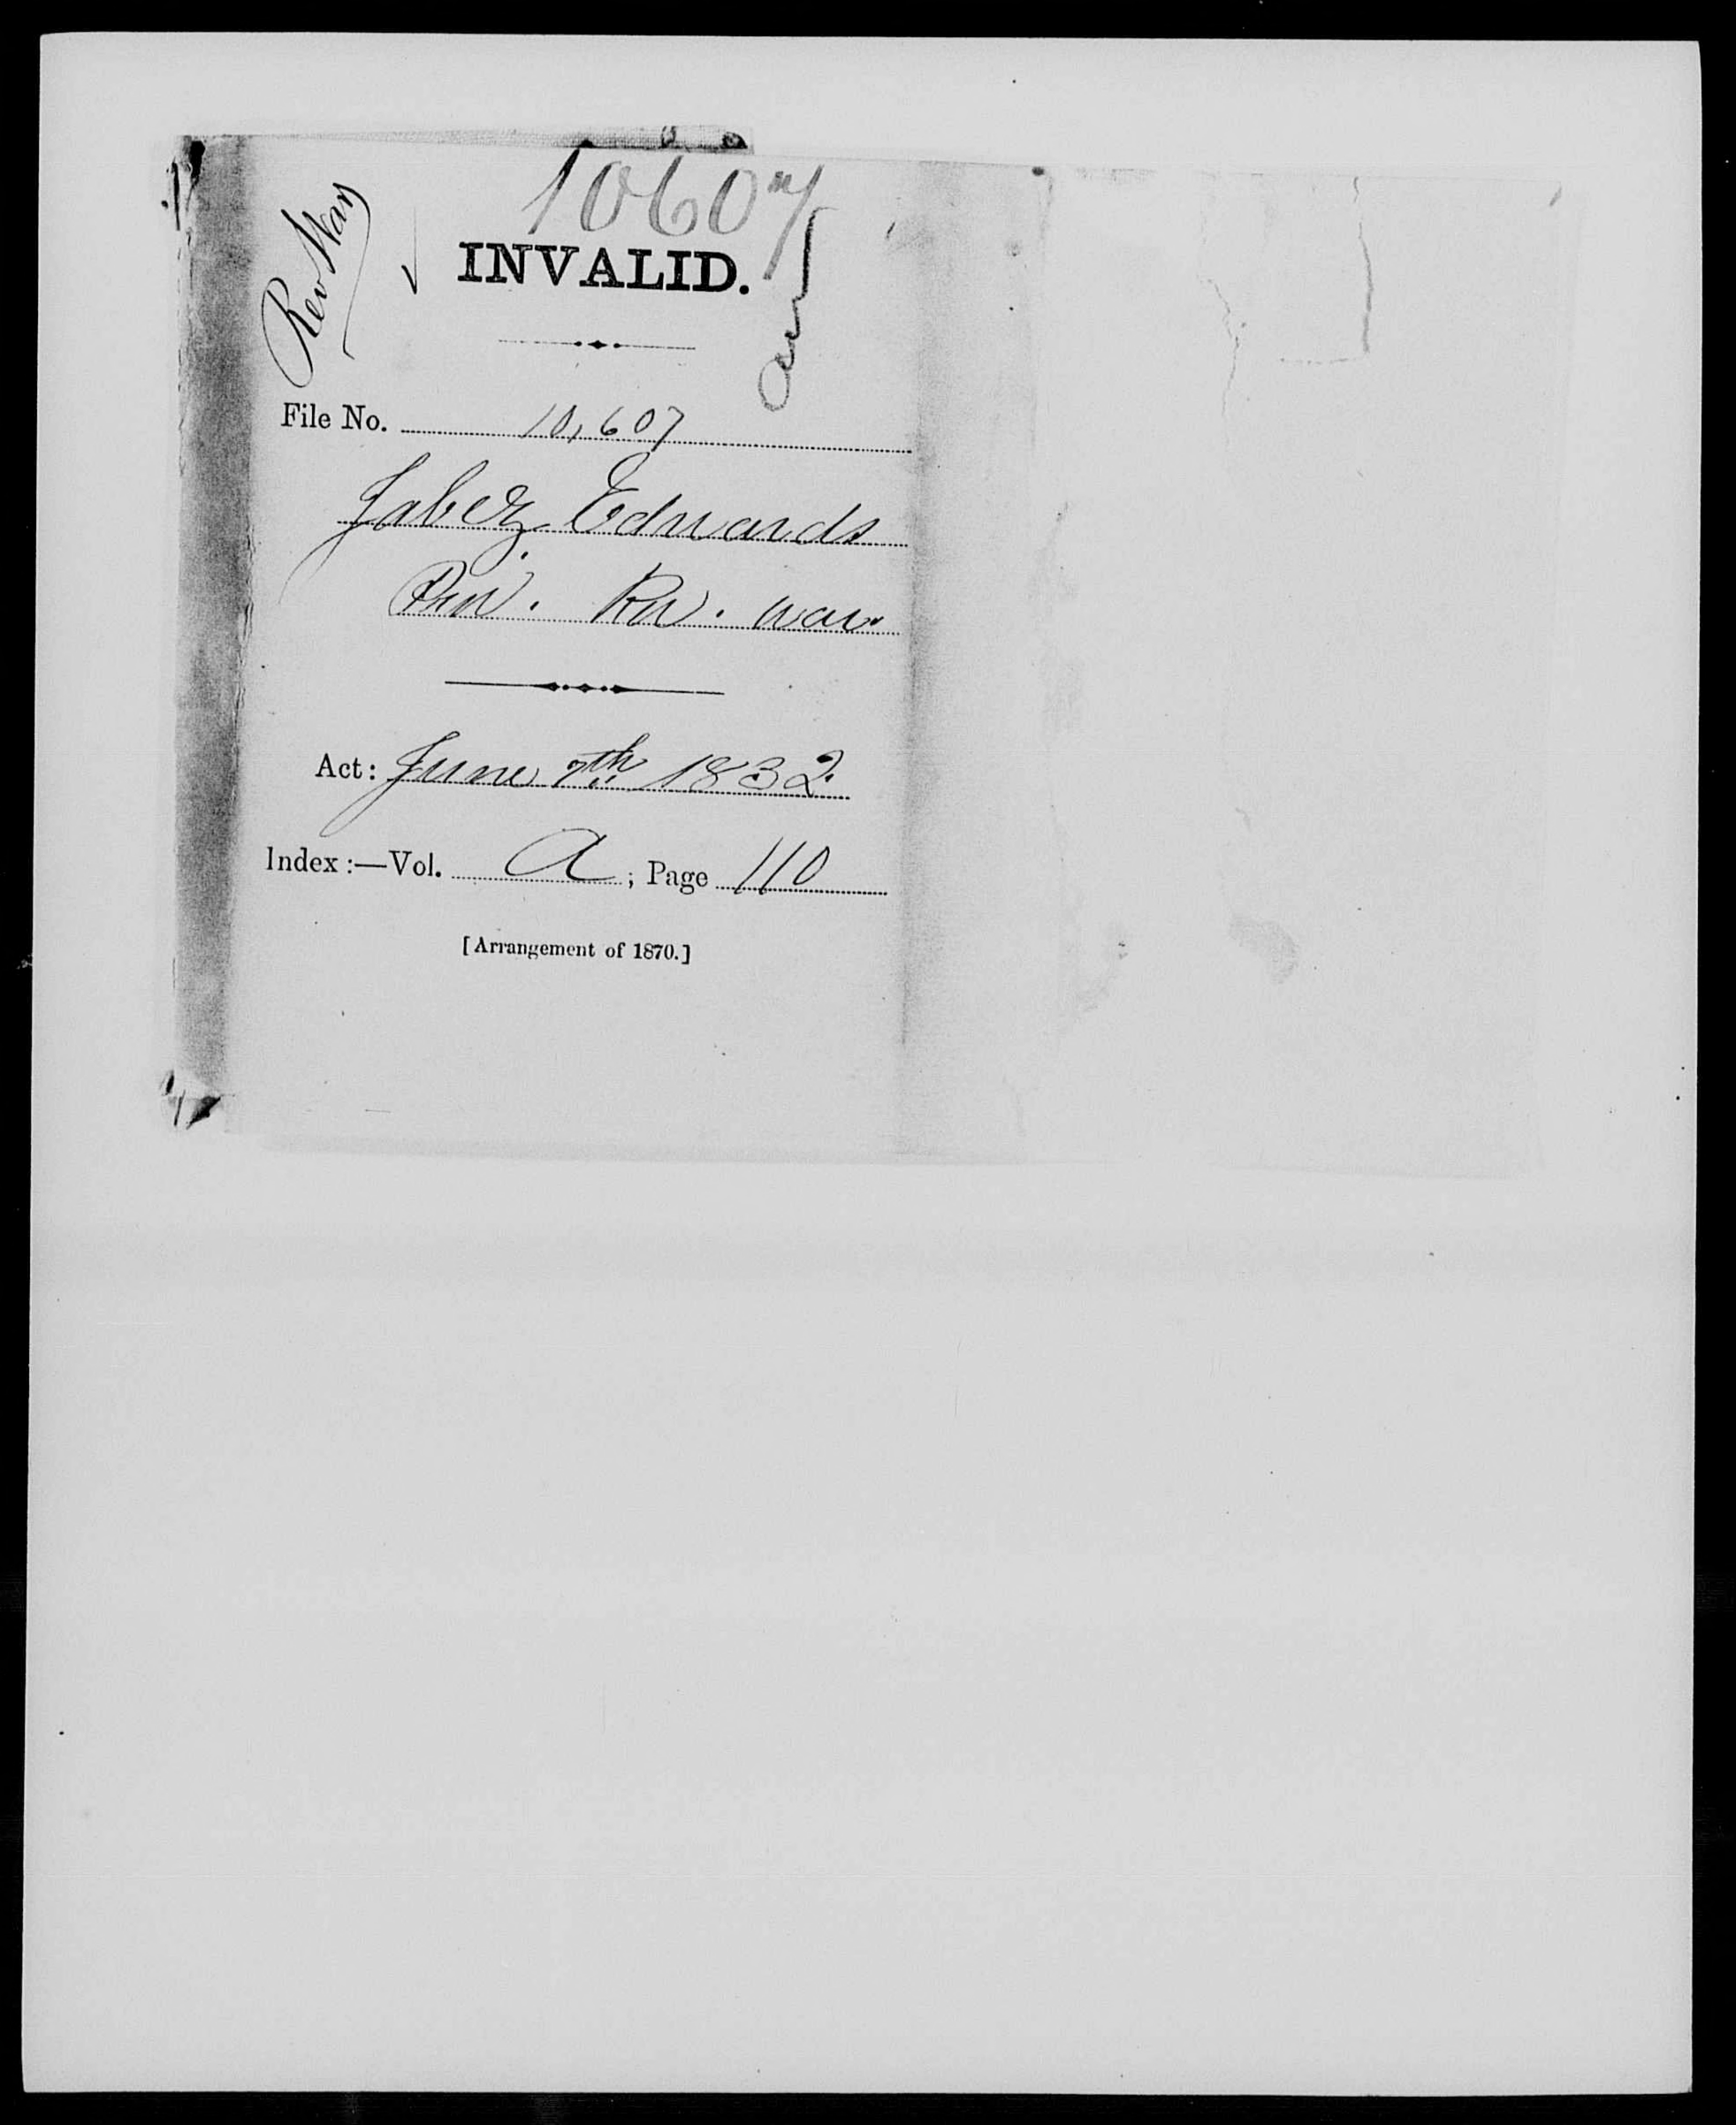Rev War
1060
INVALID.

File No. 10,607
Jabez Edwards
Priv. Rev. war.

Act: June 7th 1832
Index: -- Vol. a; Page 110

[Arrangement of 1870.]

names: Jabez Edwards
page: 13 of 50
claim: survivor's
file: S 10607, Jabez Edwards, Conn.